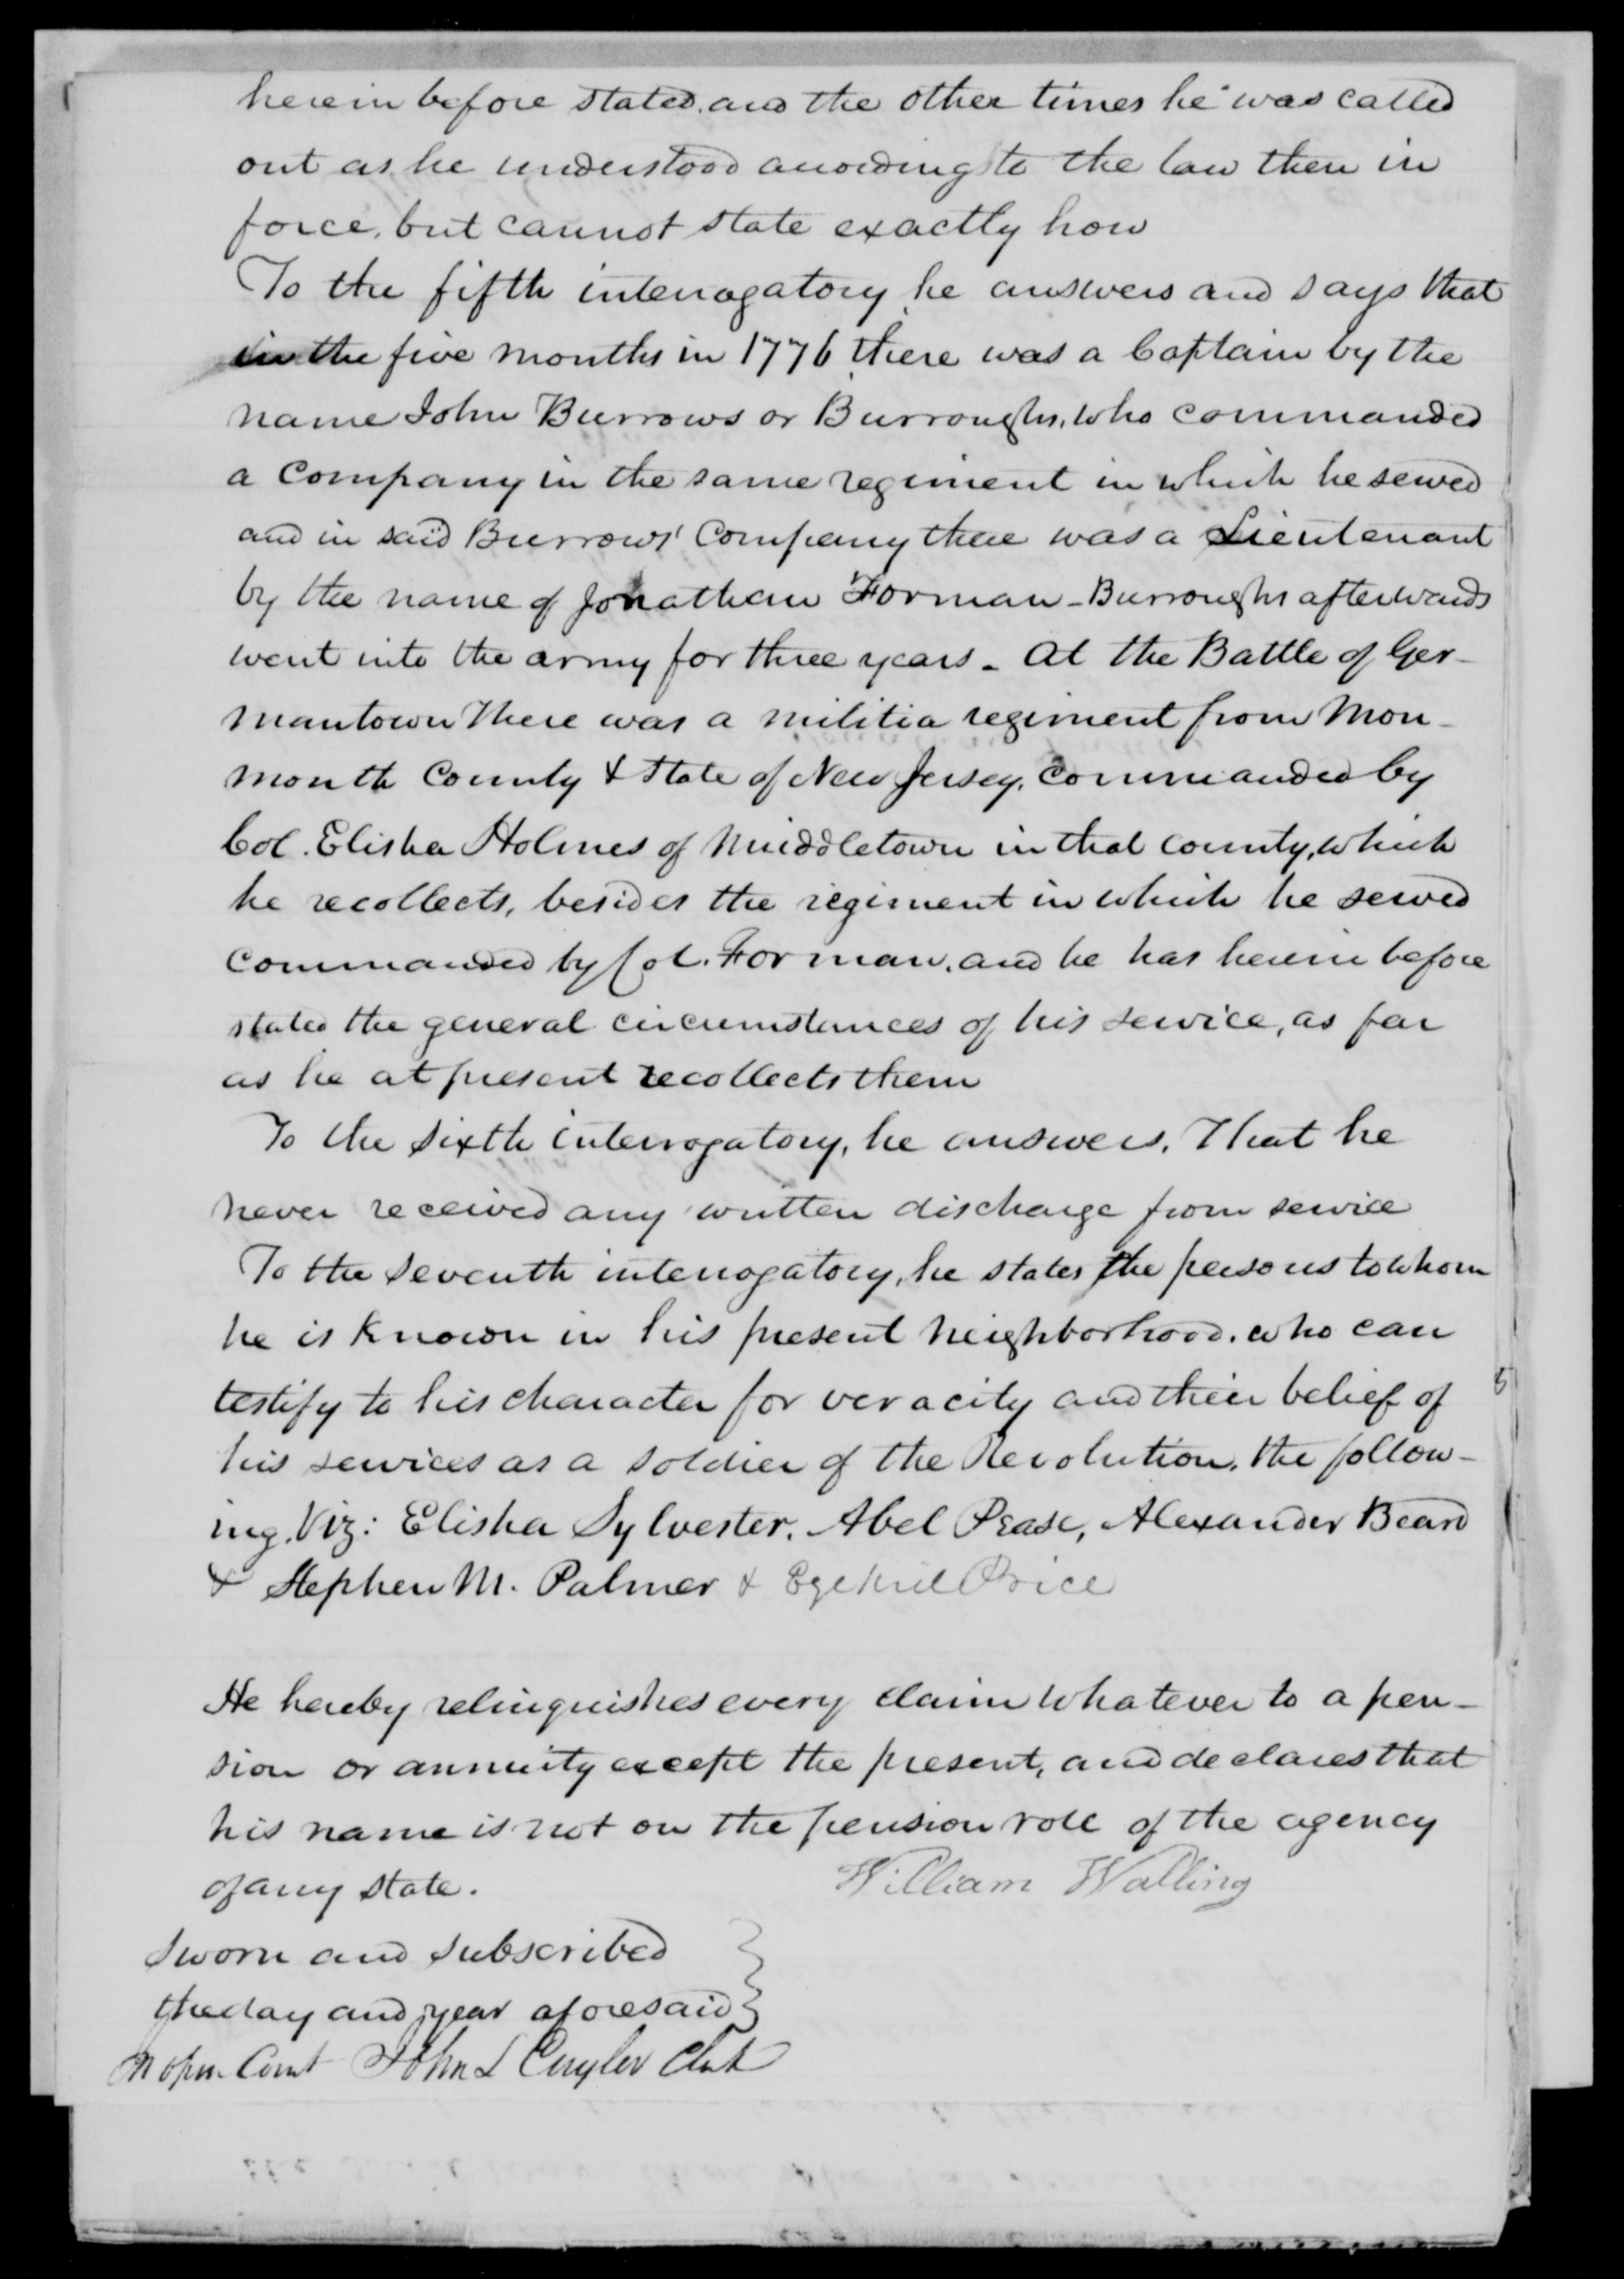herein before stated and the other times he was called out as he understood according to the law there in force, but cannot state exactly how.    To the fifth interrogatory, he answers and says that in the five months in 1776 there was a Captain by the name John Burrows or Burroughs who commanded a company in the same regiment in which he served and in said Burrows' company there was a Lieutenant by the name of Jonathan Forman - Burroughs afterwards went into the army for three years.  At the Battle of Germantown there was a militia regiment from Monmouth County & State of New Jersey, commanded by Col. Elisha Holmes of Middletown in that county, which he recollects, besides the regiment in which he served commanded by Col. Forman, and he has herein before stated the general circumstances of his service, as far as the at the present recollects them.  To the sixth interrogatory, he answers that he never received any written discharge from service.  To the seventh interrogatory, he states the persons to whom he is known in his present neighborhood, who can testify to his character for veracity and their belief of his services as a soldier of the Revolution, the following (illegible): Elisha Sylvester, Abel Peace, Alexander Beard & Stephen M Palmer & Ezekiel Price.  

He hereby relinquishes every claim whatever to a pension or annuity except the present, and declared that his name is not on the pension toll of the agency of any state.  William Walling

Sworn and Subscribed the day and year aforesaid (illegible) Court, John L Cuyler Clerk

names: Alexander Beard, John Burrows, Stephen M Palmer, Elisha Sylvester, Abel Pease, Jonathan Forman, Ezekiel Price, Jonathan Burroughs, Elisha Holmes, Forman, John Burroughs, John L Cuyler, William Walling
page: 15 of 66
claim: widow's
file: W. 19588, William Walling, New Jersey